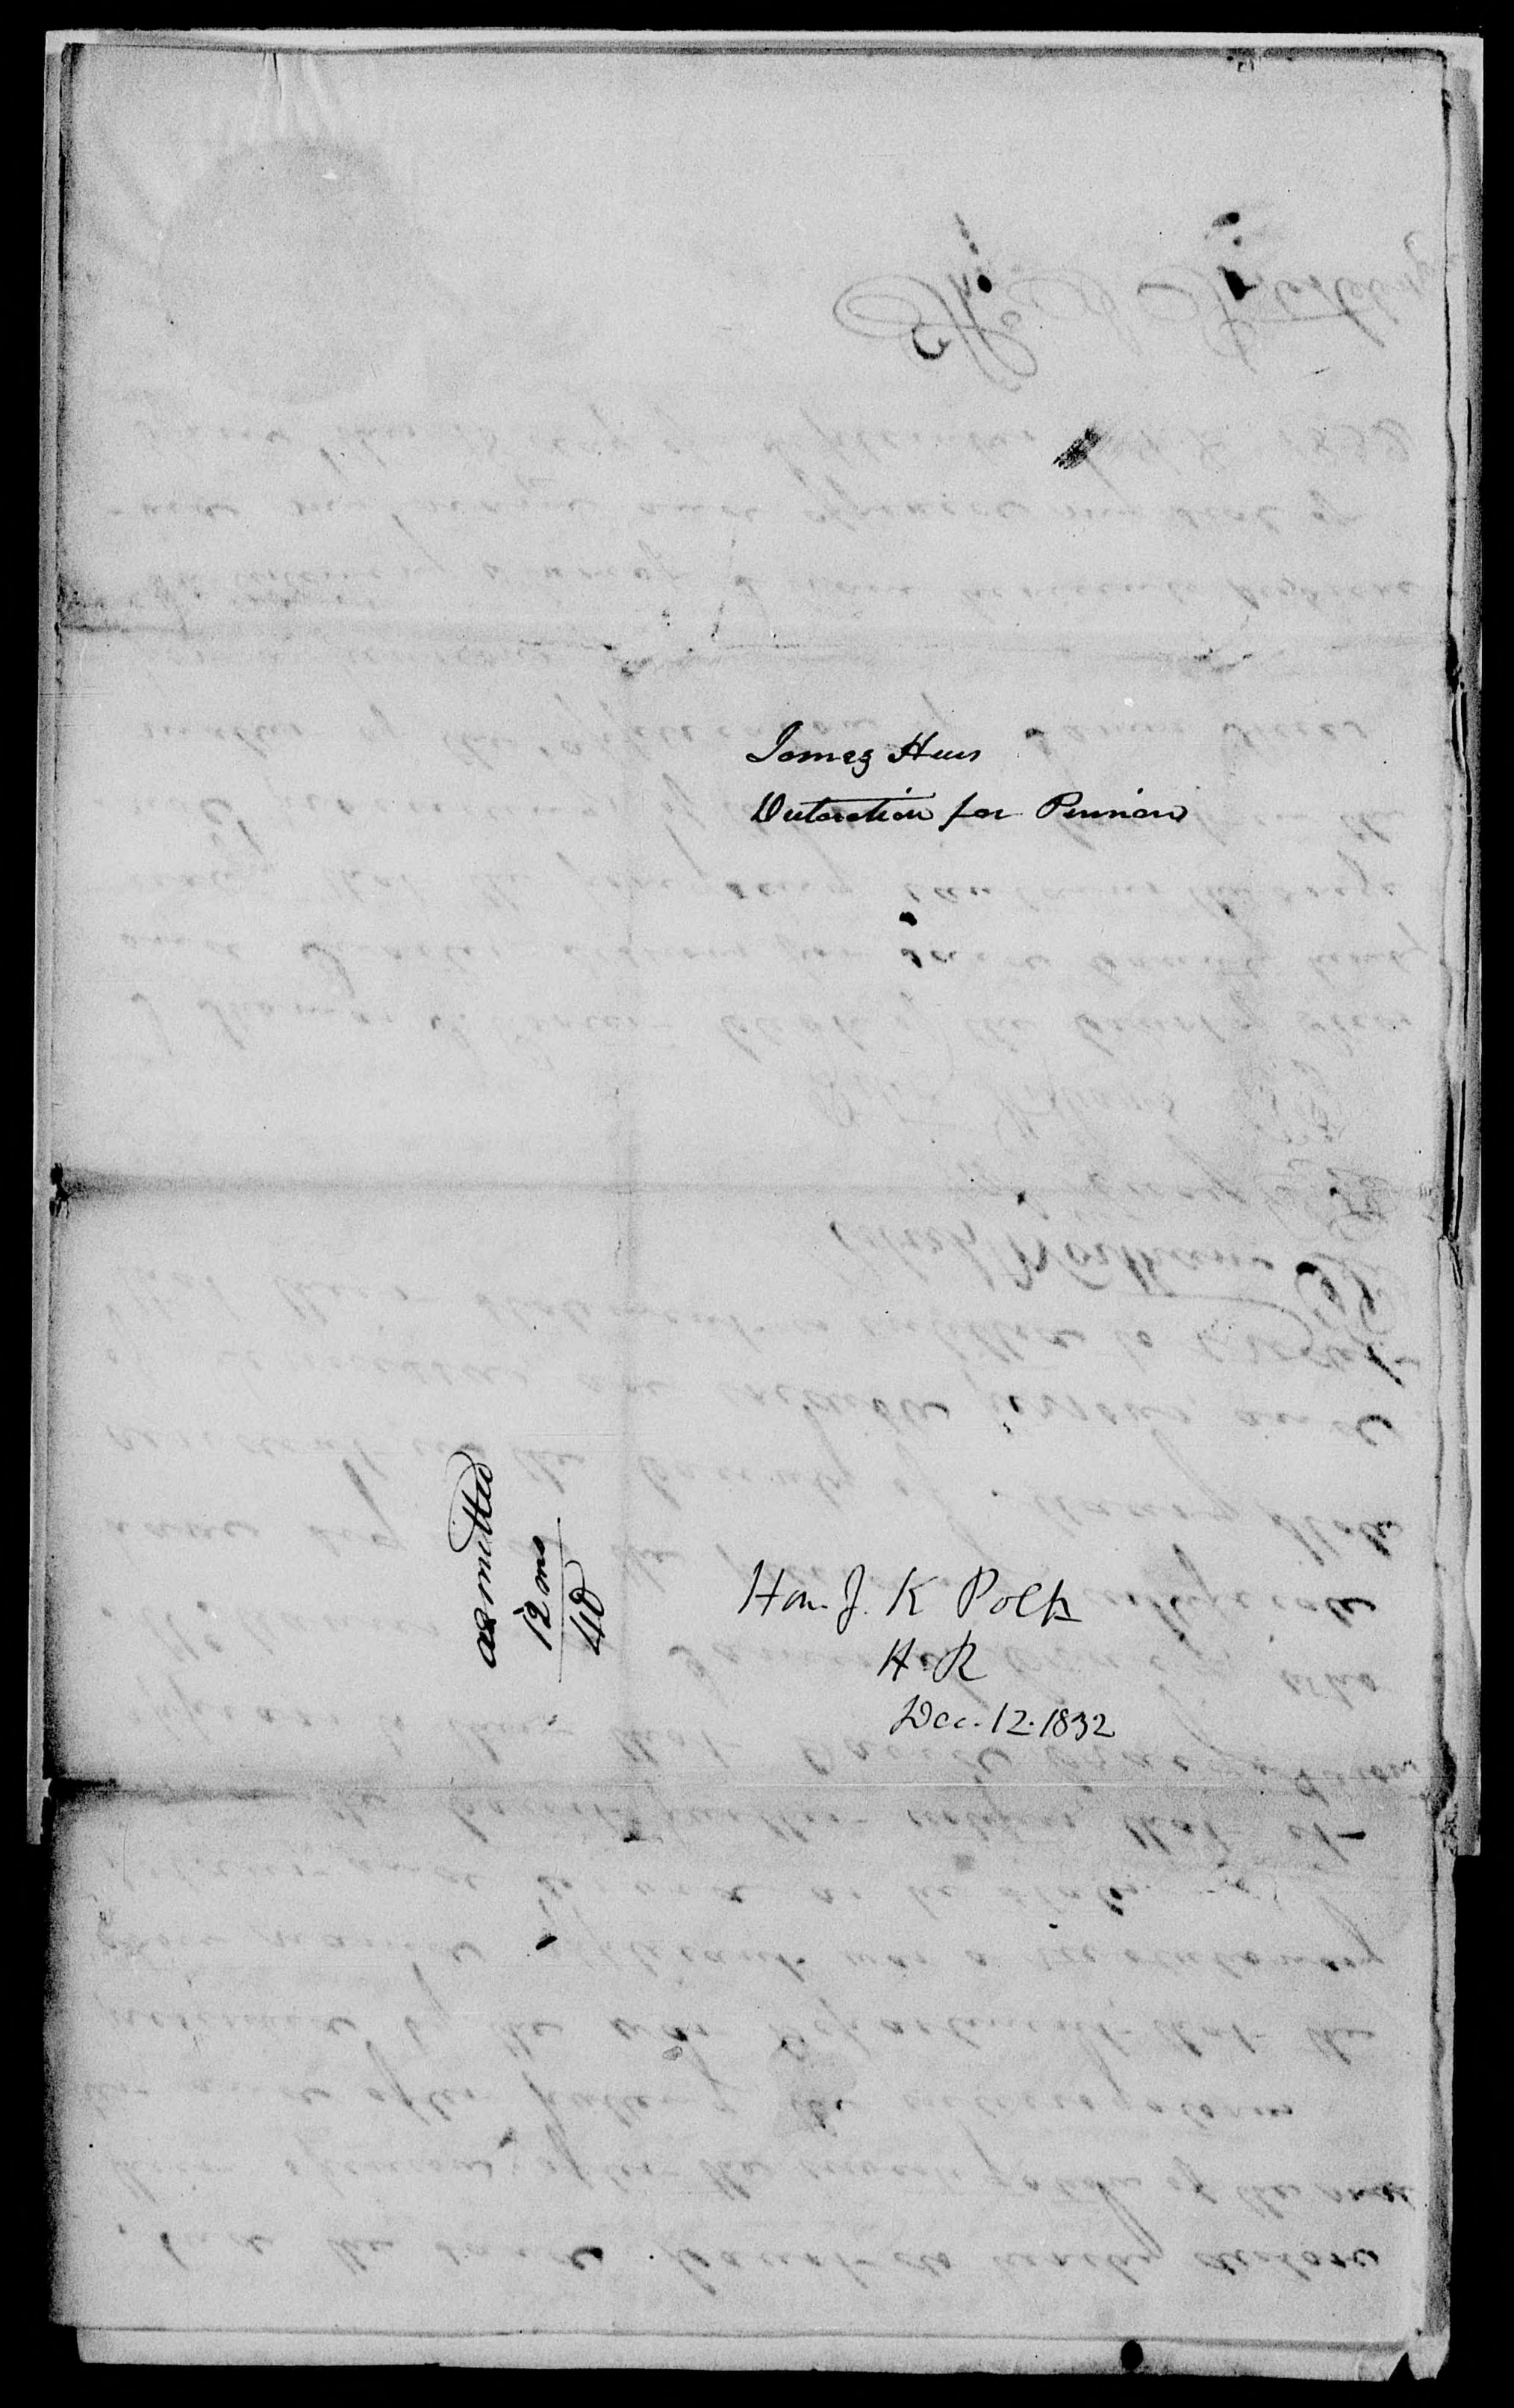James Hues
Declaration for Pension

Hon. J.K. Polk
AR
Dec 12 1832

Written on side: 
Admitted 
12 mos. 
40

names: J K Polp, James Hues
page: 16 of 24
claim: rejected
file: R. 5342, James Hues, N.C.